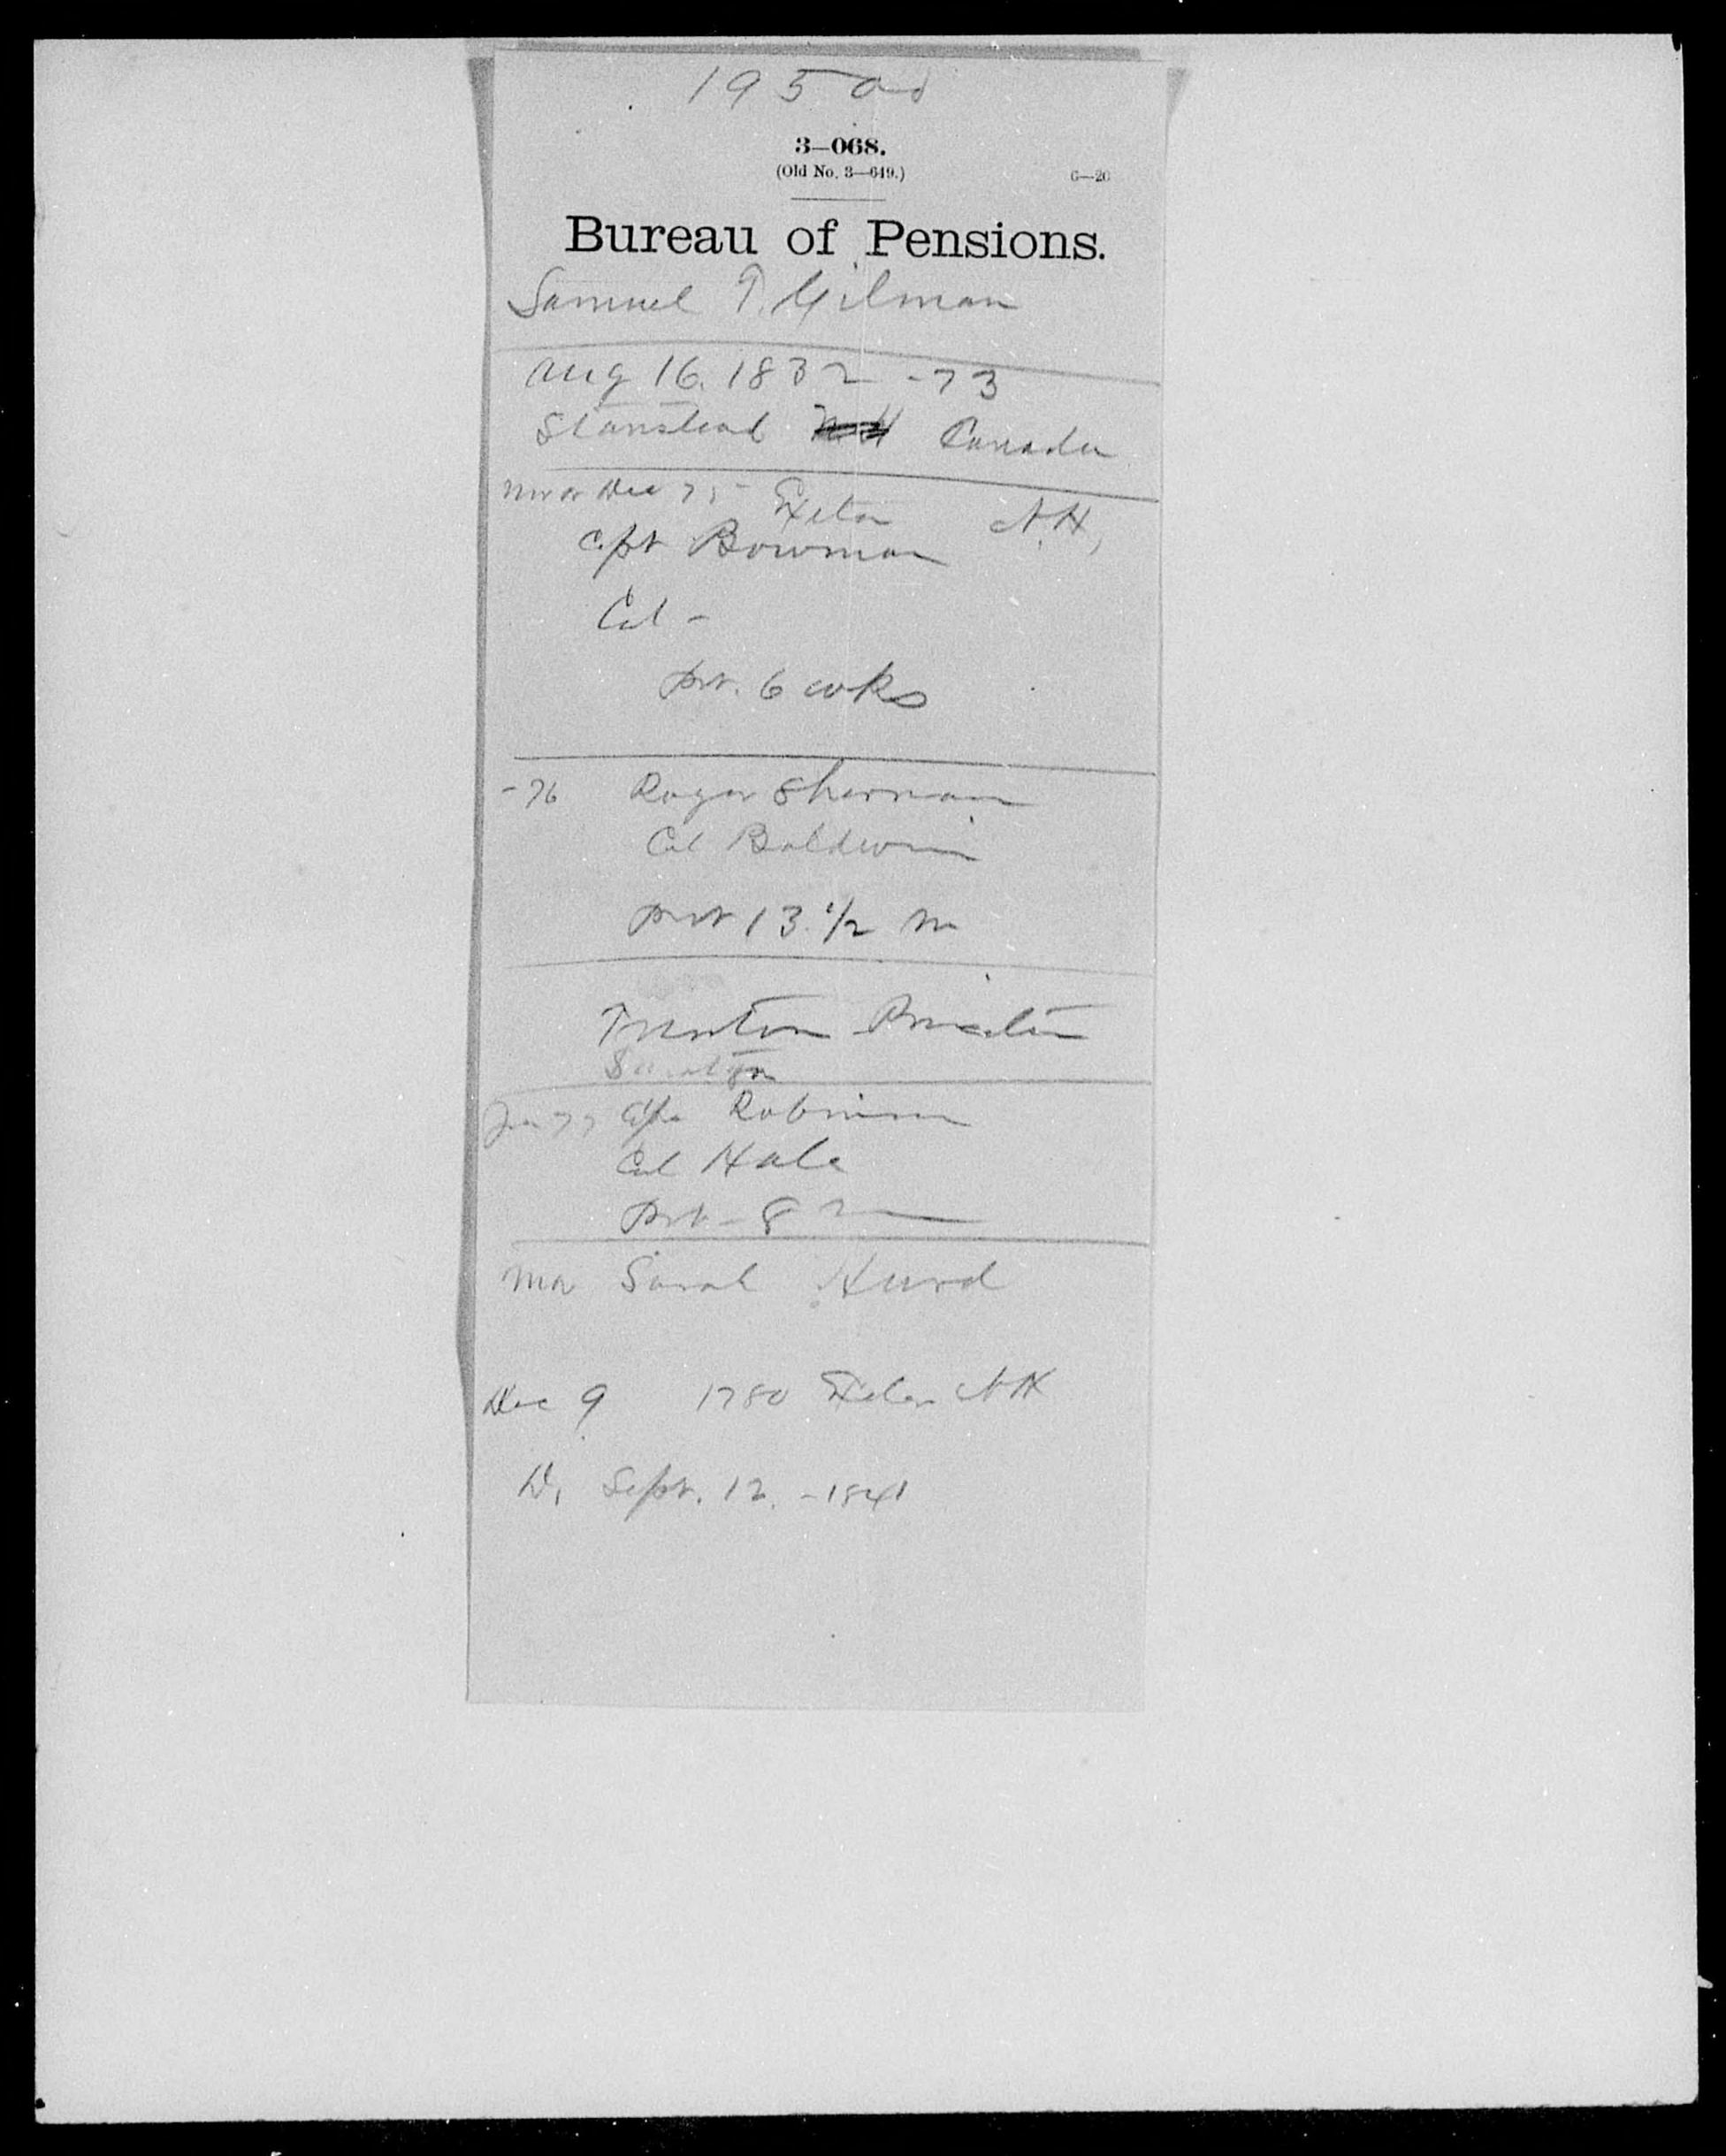[printed form with handwritten notes]

19500

3-068.
(Old No. 3-649)

Bureau of Pensions

Samuel T. Gilman
[line]
Aug 16 1832 - 73
Stanstead Canada
[line]
[illeg] 75 Exeter N.H.
Capt. Bowman
Col -
prv 6 wks
[line]
-76 Roger Sherman
Col Baldwin
prv 13 1/2 w
[line]
[illeg]
$ [illeg]
[line]
Jan 77 [illeg] robinson
Col. Hale
prv 8 w
[line]
Mrs Sarah Hurd
Dec 9 1780 Exeter NH
D. Sept. 12 1841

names: Roger Sherman, Samuel T Gilman, Bowman, Baldwin, Hale, Sarah Hurd, Robinson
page: 58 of 61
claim: widow's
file: W. 19500, Samuel Thing Gilman, Continental N.H.